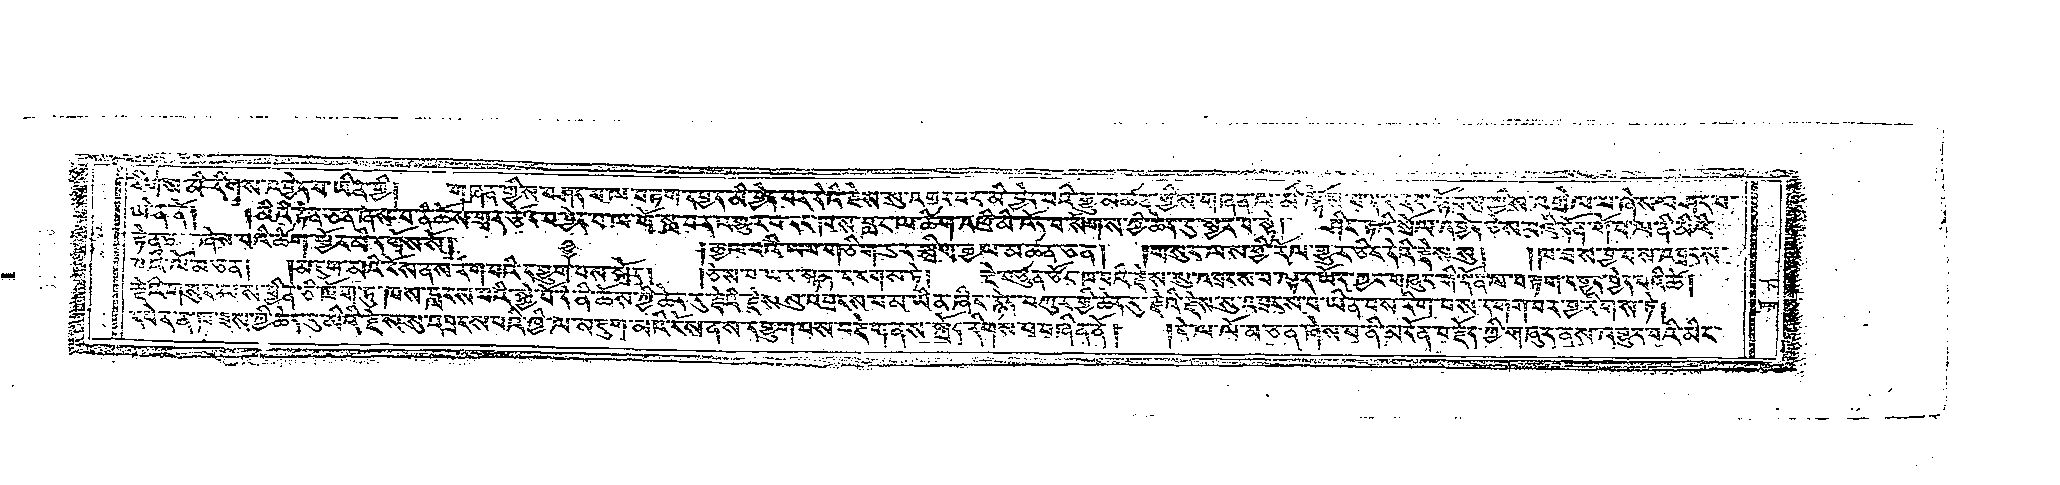རིགས་མི་རིགས་འབྱེད་བ་ཡིན་གྱི། གཞན་གྱིས་བཤད་པ་ལ་བརྟག་དཔྱད་མི་བྱིད་བར་དེའི་རྗེས་སུ་འབྲང་བར་མ་བྱེད་པའི་རྒྱུ་མཚན་ཀྱིས་གཞན་ལ་མི་ལྟོས་པ་དང་རང་སྟོབས་ཀྱིས་འགྲེལ་པ་ཞེས་བཤད་པ་
ཡིན་ནོ། །མིའི་རྟེན་ཅན་ཞེས་པ་ནི་ཆོས་གྲྭར་རྩོད་པ་བྱེད་པ་ལ་གོ་སླ་བར་འགྱུར་བ་དང་ཁས་བླང་ལ་ཚིག་འཁྲི་མི་འོང་བ་སོགས་ཀྱི་ཆེད་དུ་སྦྱར་བ་སྟེ། ཤིང་རྟའི་སྲོལ་འབྱེད་ཅེས་པའི་དོན་གོ་བ་ལ་ནི་མིའི་
རྟེན་ཅན་ཞེས་པའི་ཚིག་སྦྱོར་མའི་གོས་སོ། ༈ །རྒྱལ་བའི་ཡབ་གཅིག་དུར་སྨྲིག་རྒྱལ་མཚན་ཅན། །གསུང་ལས་ཕྱི་རོ་ལ་གྱུར་ཅིང་དེའི་རྗེས་སུ། །ཁ་ཟས་བྱ་བས་འབྲངས་
པའི་ལོ་མ་ཅན། །མཇུག་མའི་ངོས་ནས་རིག་པའི་དབྱུག་བས་སྐྲོད། །ཅེས་པ་ཡང་སྙན་དང་གས་ཏེ། རྗེ་བཙུན་ཙོང་ཁ་པའི་རྗེས་སུ་འབྲངས་པ་ལྟར་ཡོད་ཀྱང་གཞུང་གི་དོན་ལ་བརྟག་དཔྱད་བྱེད་པའི་ཚེ།
རྗེའི་གསུང་ལས་ཕྱིན་ཅི་ལོག་ཏུ་ཁས་བླངས་པའི་སྐྱེ་པོ་དེ་ནི་ཆོས་ཀྱི་ཆེད་དུ་རྗེའི་རྗེས་སུ་འབྲངས་པ་མ་ཡིན་ཞིང་རྙེད་བཀུར་གྱི་ཆེད་དུ་རྗེའི་རྗེས་སུ་འབྲངས་བ་ཡིན་བས་རིག་པས་དགག་པར་བྱ་རིགས་ཏེ།
དཔེར་ན་ཁ་ཟས་ཀྱི་ཆེད་དུ་མིའི་རྗེས་སུ་འབྲངས་པའི་ཁྱི་ལ་མཇུག་མའི་ངོས་ནས་དབྱུག་པས་བརྡེག་ནས་སྐྲོད་རིགས་བ་བཞིན་ནོ། །དེ་ལ་ལོ་མ་ཅན་ཞེས་པ་མི་མངོན་བརྗོད་ཀྱི་གཞུང་ནས་འབྱུང་བའི་མིང་